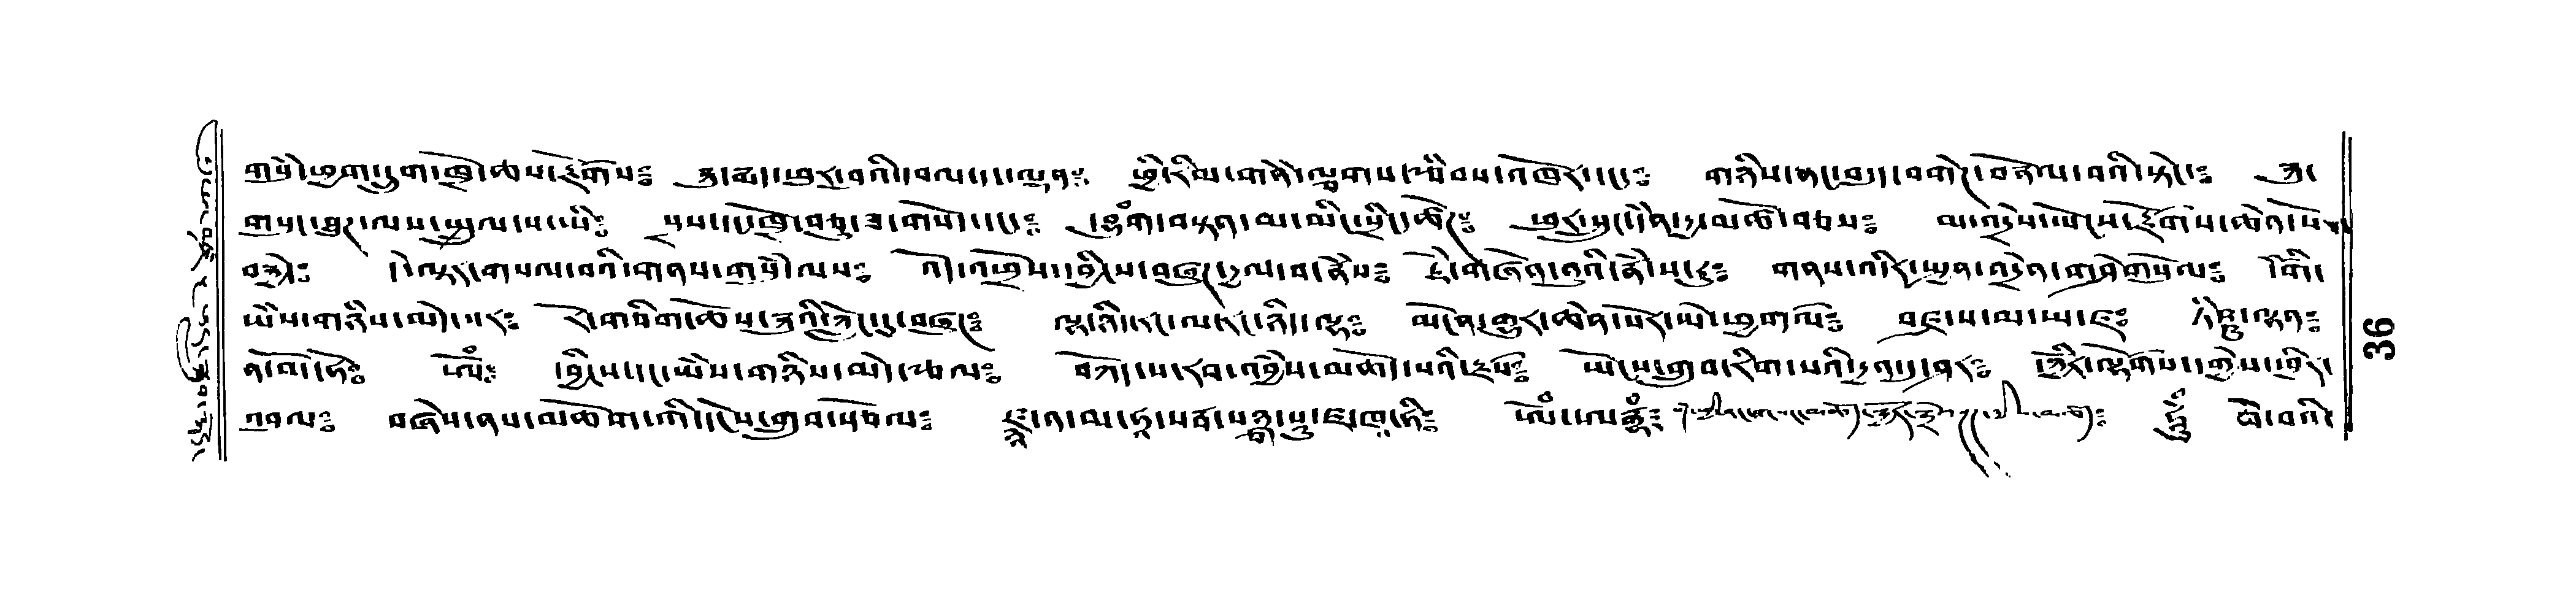གསུམ་ཕྱག་དྲུག་ཁྲོ་ཆས་རྫོགས༔ སྐུ་སྨད་ཕུར་བུའི་དབལ་དང་ལྡན༔ ཕྱི་རིམ་གནམ་ལྕགས་རྩིབས་འཁོར་དང༔ གཉིས་སྣང་བདུད་བགེགས་བསྣོལ་བའི་སྟེང༔ སྐུ་
གསུང་ཐུགས་ལས་སྤྲུལ་པ་ཡི༔ སྲས་དང་ཁྲོ་བཅུ་ཟ་གསོད་དང༔ དབང་ཕྱུག་བསྟན་མ་མིང་སྲིང་ཚོགས༔ ཕུར་སྲུང་དམ་ཅན་རྒྱ་མཚོ་བཅས༔ མ་འདྲེས་ཡོངས་རྫོགས་ཆེན་པོར་
བསྐྱེད༔དེ་ལྟར་གསལ་བའི་གནས་གསུམ་ལས༔ འོད་འཕྲོས་དབྱིངས་བཞུགས་རྒྱལ་བ་རྣམས༔ རྡོ་རྗེ་གཞོན་ནུའི་རྣམ་པ་རུ༔ གནས་འདིར་སྤྱན་འདྲེན་གཤེགས་སུ་སོལ༔ དམ་ཚིག་
ཡེ་ཤེས་གཉིས་མེད་པར༔ རོ་གཅིག་ཆོས་སྐུའི་ཀློང་དུ་བཞུགས༔ ལྷ་ཉིད་རང་ལ་རང་ཉིད་ལྷ༔ མངོན་གྱུར་ཆེན་པོར་ཡེ་ཕྱག་འཚལ༔ བཛྲ་ས་མ་ཡ་ཛཿ ཏིཥྛ་ལྷན༔ 
ན་མོ་ཧོཿ ཨོཾ༔ དབྱིངས་དང་ཡེ་ཤེས་གཉིས་མེད་རྩལ༔ བཀོད་པ་རབ་འབྱམས་མཆོད་པའི་རྫས༔ ཡོངས་གྲུབ་རིག་པའི་རྒྱན་དུ་ཤར༔ དཀྱིལ་འཁོར་ལྷ་ཚོགས་དགྱེས་ཕྱིར་
འབུལ༔ བཞེས་ནས་མཆོག་གི་དངོས་གྲུབ་སྩོལ༔ ཛྙཱ་ན་མ་ཧཱ་སརྦ་པཉྩ་པཱུ་ཛ་ཁཱ་ཧིཿ ཨོཾ་ཨརྒྷཾ་སོགས་ཕྱི་ནང་གསང་མཆོད་སྦྱོར་སྒྲོལ་སྔགས་ཀྱིས་མཆོད༔ ཧཱུྃ༔ ཆེ་བའི་